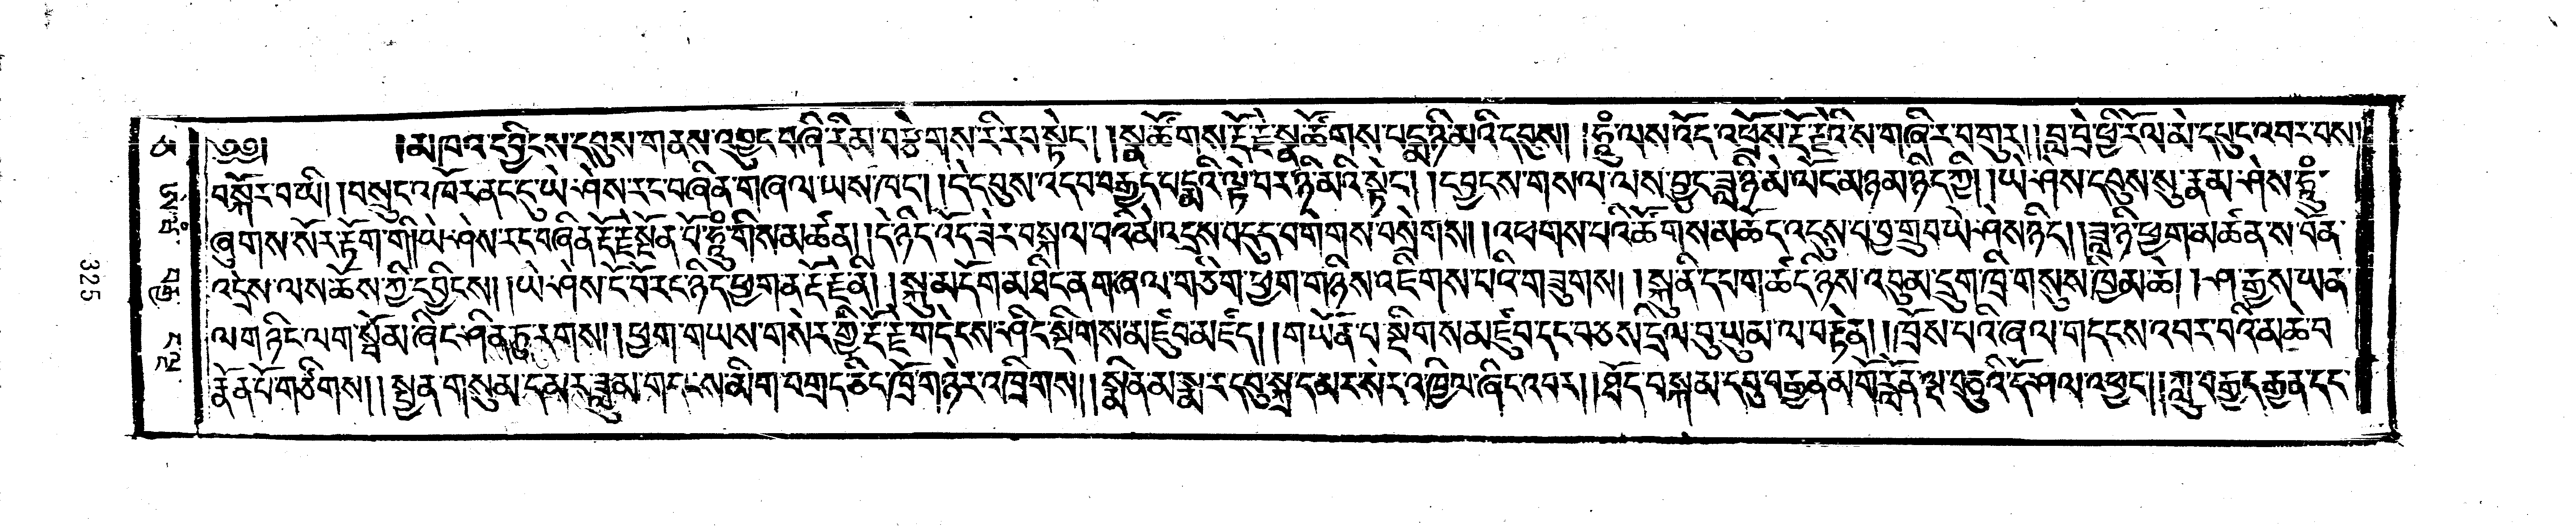༄༅། །མཁའ་དབྱིངས་དབུས་གནས་འབྱུང་བཞི་རིམ་བརྩེགས་རི་རབ་སྟེང་། །སྣ་ཚོགས་རྡོ་རྗེ་སྣ་ཚོགས་པདམ་ཉི་མའི་དབུས། །ཧཱུཾ་ལས་འོད་འཕྲོས་རྡོ་རྗེའི་ས་གཞི་ར་བ་གུར། །བླ་བྲེ་ཕྱི་རོལ་མེ་དཔུང་འབར་བས་
བསྐོར་བ་ཡི། །བསྲུང་འཁོར་ནང་དུ་ཡེ་ཤེས་རང་བཞིན་གཞལ་ཡས་ཁང་། །དེ་དབུས་འདབ་བརྒྱད་པདམའི་ལྟེ་བར་ཉི་མའི་སྟེང་། །དབྱངས་གསལ་ལས་བྱུང་ཟླ་ཉི་མེ་ལོང་མཉམ་ཉིད་ཀྱི། །ཡེ་ཤེས་དབུས་སུ་རྣམ་ཤེས་ཧཱུཾ་
ཞུགས་སོར་རྟོག་གི །ཡེ་ཤེས་རང་བཞིན་རྡོ་རྗེ་སྔོན་པོ་ཧཱུཾ་གིས་མཚན། །དེ་ཉིད་འོད་ཟེར་བསྐལ་པའི་མེ་འདྲས་བདུད་བགེགས་བསྲེགས། །འཕགས་པའི་ཚོགས་མཆོད་འདུས་པ་བྱ་གྲུབ་ཡེ་ཤེས་ཉིད། །ཟླ་ཉི་ཕྱག་མཚན་ས་བོན་
འདྲེས་ལས་ཆོས་ཀྱི་དབྱིངས། །ཡེ་ཤེས་ངོ་བོར་དེ་ཉིད་ཕྱག་ན་རྡོ་རྗེ་ནི། །སྐུ་མདོག་མཐིང་ནག་ཞལ་གཅིག་ཕྱག་གཉིས་འཇིགས་པའི་གཟུགས། །སྐུ་ནི་དཔག་ཚད་ཉིས་འབུམ་དྲུག་ཁྲི་གསུས་ཁྱིམ་ཆེ། །ཤ་རྒྱས་ཡན་
ལག་ཉིད་ལག་སྦོམ་ཞིང་ཤིན་ཏུ་རགས། །ཕྱག་གཡས་གསེར་གྱི་རྡོ་རྗེ་གདེངས་ཤིང་སྡིགས་མཛུབ་མཛད། །གཡོན་པ་སྡིགས་མཛུབ་དང་བཅས་དྲིལ་བུ་ཡུམ་ལ་བརྟེན། །ཁྲོས་པའི་ཞལ་གདངས་འབར་བའི་མཆེ་བ་
རྣོན་པོ་གཙིགས། །སྤྱན་གསུམ་དམར་ཟླུམ་གདངས་མིག་བགྲད་ཅིང་ཁྲོ་གཉེར་འཁྲིགས། །སྨིན་མ་སྨ་ར་དབུ་སྐྲ་དམར་སེར་འཁྱིལ་ཞིང་འབར། །ཐོད་བསྐམ་དབུ་བརྒྱན་མགོ་རློན་ལྔ་བཅུའི་དོ་ཤལ་འཕྱང་། །ཀླུ་བརྒྱད་རྒྱན་དང་